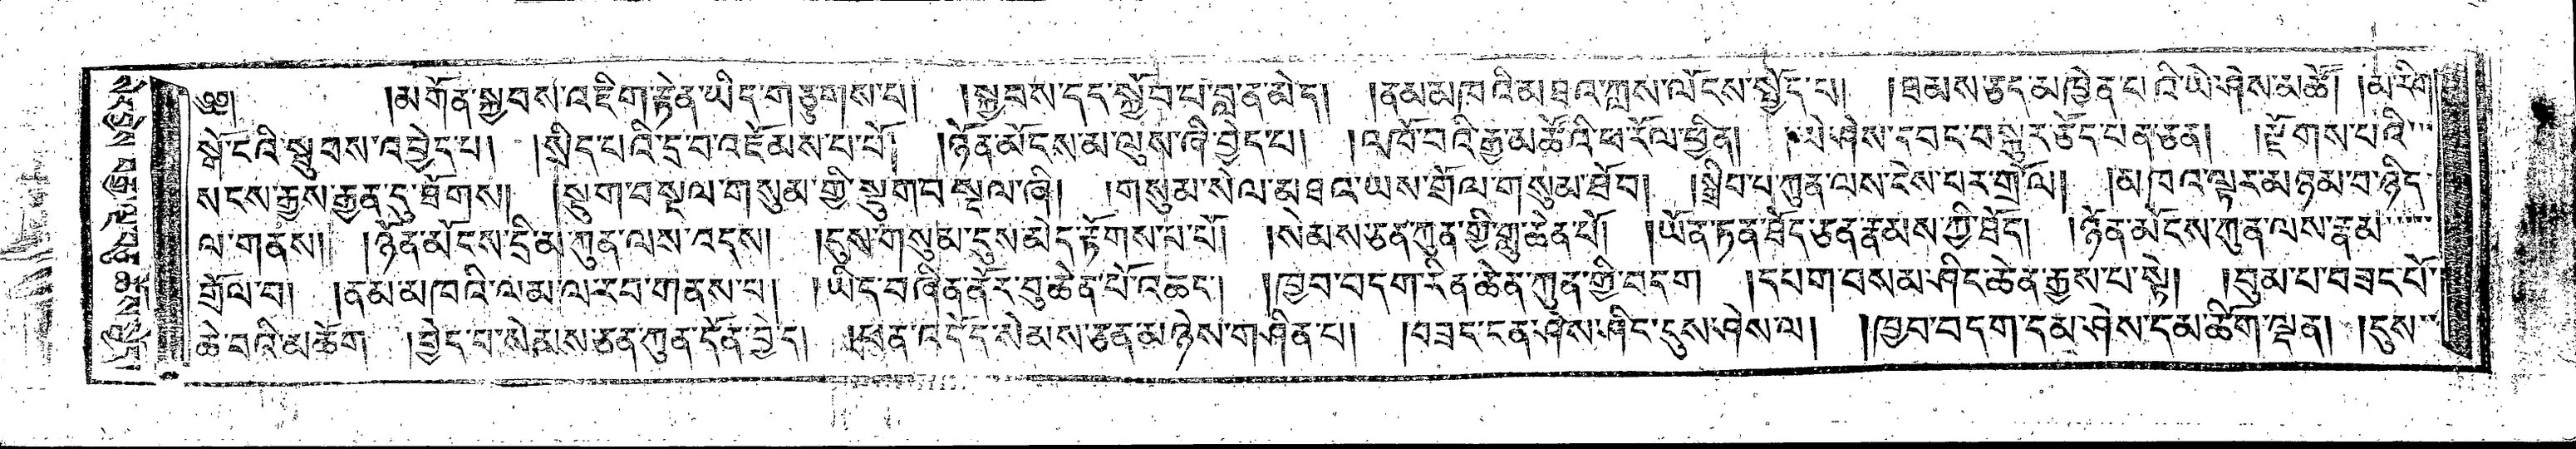༄༅། །མགོན་སྐྱབས་འཇིག་རྟེན་ཡིད་གཅུགས་པ། །སྐྱབས་དད་སྐྱོབ་པ་བླ་ན་མེད། །ནམ་མཁའི་མཐའ་ཀླས་ལོངས་སྤྱོད་པ། །ཐམས་ཅད་མཁྱེན་པའི་ཡེ་ཤེས་མཚོ། །མ་རིག་
སྒོ་ངའི་སྦུབས་འབྱེད་པ། །སྲིད་པའི་དྲ་བ་འཇོམས་པ་པོ། །ཉོན་མོངས་མ་ལུས་ཞི་བྱེད་པ། །འཁོ་བའི་རྒྱ་མཚོའི་ཕ་རོལ་ཕྱིན། །ཡེ་ཤེས་དབང་བསྐུར་ཅོད་པན་ཅན། །རྫོགས་པའི་
སངས་རྒྱས་རྒྱན་དུ་ཐོགས། །སྡུག་བསྔལ་གསུམ་གྱི་སྡུག་བསྔལ་ཞི། །གསུམ་སེལ་མཐའ་ཡས་གྲོལ་གསུམ་ཐོབ། །སྒྲིབ་པ་ཀུན་ལས་ངེས་པར་གྲོལ། །མཁའ་ལྟར་མཉམ་པ་ཉིད་
ལ་གནས། །ཉོན་མོངས་དྲི་མ་ཀུན་ལས་འདས། །དུས་གསུམ་དུས་མེད་རྟོགས་པ་པོ། །སེམས་ཅན་ཀུན་གྱི་གླུ་ཆེན་པོ། །ཡོན་ཏན་ཐོད་ཅན་རྣམས་ཀྱི་ཐོད། །ཉོན་མོངས་ཀུན་ལས་རྣམ་
གྲོལ་བ། །ནམ་མཁའི་ལམ་ལ་རབ་གནས་པ། །ཡིད་བཞིན་ནོར་བུ་ཆེན་པོ་འཆང་། །ཁྱབ་བདག་རིན་ཆེན་ཀུན་གྱི་བདག །དཔག་བསམ་ཤིང་ཆེན་རྒྱས་པ་སྟེ། །བུམ་པ་བཟང་པོ་
ཆེ་བའི་མཆོག །བྱེད་པ་སེམས་ཅན་ཀུན་དོན་བྱེད། །ཕན་འདོད་སེམས་ཅན་མཉེས་གཤིན་པ། །བཟང་ངན་ཤེས་ཤིང་དུས་ཤེས་ལ། །ཁྱབ་བདག་དམ་ཤེས་དམ་ཚིག་ལྡན། །དུས་